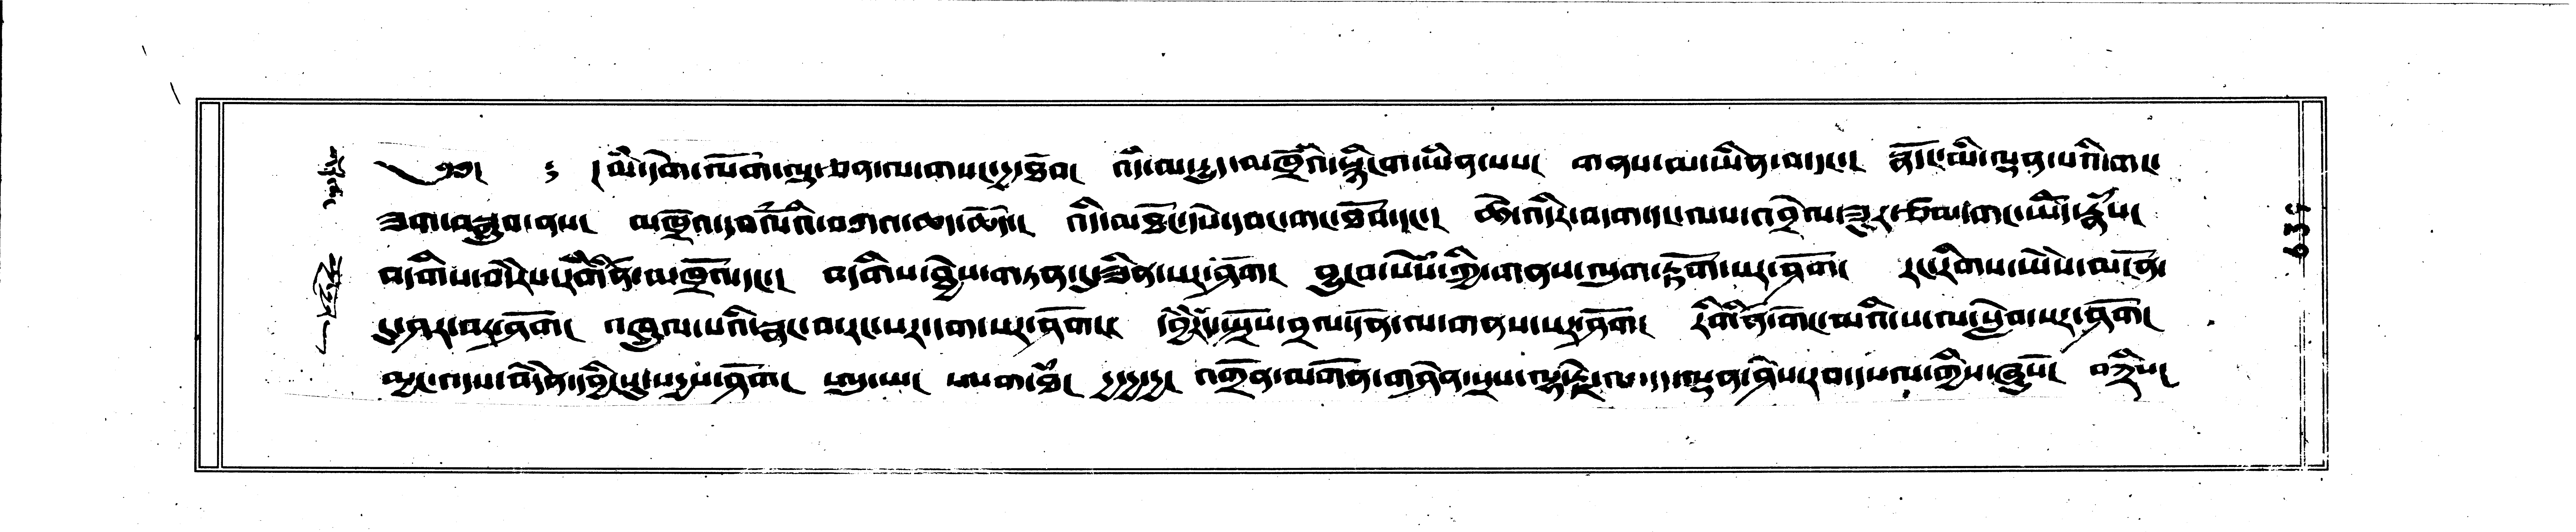མི་དགེ་ལོག་ལྟ་ཅན་ལ་གསང་རྒྱ་ཐོབ། འདི་མ་རྒྱུད་མཁའ་འགྲོ་སྙིང་ཁྲག་ཡིན་པས། གནས་མ་ཡིན་པ་དང་། སྣོད་མི་ལྡན་པའི་གང་
ཟག་ལ་སྒྲོགས་ན། མཁའ་འགྲོ་དབལ་མོའི་བཀའ་ཆད་ཆོད། འདི་མཐོང་ཐོས་དཔེ་དབང་གང་ཐོབ་དང་། ཚེ་འདིར་བདག་དང་ལས་འབྲེལ་ཟུར་ཙམ་གང་ཡོད་རྣམས། 
གོང་གི་བདེར་བཤེགས་༼གཤེགས༽རིག་འཛིན་མཁའ་འགྲོ་དང་། བདག་གིས་ཐུགས་རྗེས་གཏན་དུ་ཟིན་པར་ཤོག བྱང་ཆུབ་སེམས་ཀྱི་གནས་ལུགས་རྟོག་པར་ཤོག རང་རིག་ཡེ་ཤེས་མངོན་
དུ་གྱུར་པར་ཤོག འཁྲུལ་པའི་སྣང་བ་རང་སར་དག་པར་ཤོག བྱར་མེད་སྤྲོས་བྲལ་དོན་ལ་གནས་པར་ཤོག རིག་འཛིན་གོང་མའི་ས་ལ་སླེབ་པར་ཤོག
 མྱང་འདས་བདེ་ཆེན་དབྱིངས་སུ་སངས་རྒྱས་ཤོག བཀྲ་ཤིས་པར་ཤོག། ཨུ་ཡཱ། རྒྱ་རྒྱ་རྒྱ། “འགྲོ་མགོན་གཤེན་སྲས་ལྷ་རྗེ་ལ་དད་ལྡན་ཤེས་རབ་དཔལ་གྱིས་ཞུས་སོ།” ༼གདམ་པ་ཡང་བཅུད་མཁའ་འགྲོའི་སྙིང་ཁྲག་འདི། གཤེན་སྲས་ལྷ་རྗེ་ལ་བདག་གིས་ཞུས་སོ། དགེའོ། རྫོགས་ཆེན་ཞ་གར་བ། དེ་ལ་སྐལ་བཟང་མས། དེ་ལ་བདག་ཤེས་རབ་རྒྱལ་མཚན། བཀྲ་ཤིས་པར་ཤོག༽